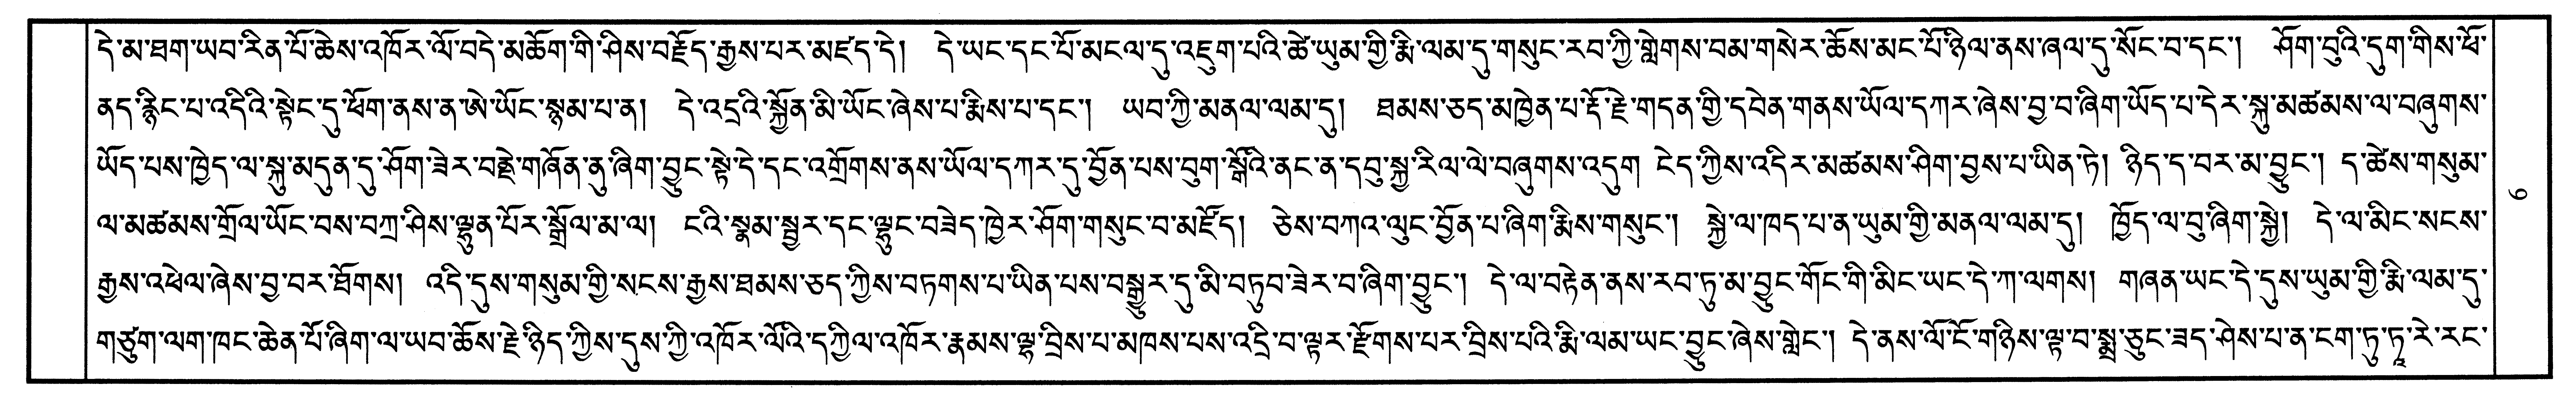དེ་མ་ཐག་ཡབ་རིན་པོ་ཆེས་འཁོར་ལོ་བདེ་མཆོག་གི་ཤིས་བརྗོད་རྒྱས་པར་མཛད་དེ། དེ་ཡང་དང་པོ་མངལ་དུ་འཇུག་པའི་ཚེ་ཡུམ་གྱི་རྨི་ལམ་དུ་གསུང་རབ་ཀྱི་གླེགས་བམ་གསེར་ཆོས་མང་པོ་ཉིལ་ནས་ཞལ་དུ་སོང་བ་དང་། ཤོག་བུའི་དུག་གིས་ཕོ་
ནད་རྙིང་པ་འདིའི་སྟེང་དུ་ཕོག་ནས་ན་ཨེ་ཡོང་སྙམ་པ་ན། དེ་འདྲའི་སྐྱོན་མི་ཡོང་ཞེས་པ་རྨིས་པ་དང་། ཡབ་ཀྱི་མནལ་ལམ་དུ། ཐམས་ཅད་མཁྱེན་པ་རྡོ་རྗེ་གདན་གྱི་དབེན་གནས་ཡོལ་དཀར་ཞེས་བྱ་བ་ཞིག་ཡོད་པ་དེར་སྐུ་མཚམས་ལ་བཞུགས་
ཡོད་པས་ཁྱེད་ལ་སྐུ་མདུན་དུ་ཤོག་ཟེར་བནྡེ་གཞོན་ནུ་ཞིག་བྱུང་སྟེ་དེ་དང་འགྲོགས་ནས་ཡོལ་དཀར་དུ་བྱོན་པས་བུག་སྒོའི་ནང་ན་དབུ་སྐྱ་རིལ་ལེ་བཞུགས་འདུག་ངེད་ཀྱིས་འདིར་མཚམས་ཤིག་བྱས་པ་ཡིན་ཏེ། ཉིད་ད་བར་མ་བྱུང་། ད་ཚེས་གསུམ་
ལ་མཚམས་གྲོལ་ཡོང་བས་བཀྲ་ཤིས་ལྷུན་པོར་སྒྲོལ་མ་ལ། ངའི་སྣམ་སྦྱར་དང་ལྷུང་བཟེད་ཁྱེར་ཤོག་གསུང་བ་མཛོད། ཅེས་བཀའ་ལུང་བྱོན་པ་ཞིག་རྨིས་གསུང་། སྐྱེ་ལ་ཁད་པ་ན་ཡུམ་གྱི་མནལ་ལམ་དུ། ཁྱོད་ལ་བུ་ཞིག་སྐྱེ། དེ་ལ་མིང་སངས་
རྒྱས་འཕེལ་ཞེས་བྱ་བར་ཐོགས། འདི་དུས་གསུམ་གྱི་སངས་རྒྱས་ཐམས་ཅད་ཀྱིས་བཏགས་པ་ཡིན་པས་བསྒྱུར་དུ་མི་བཏུབ་ཟེར་བ་ཞིག་བྱུང་། དེ་ལ་བརྟེན་ནས་རབ་ཏུ་མ་བྱུང་གོང་གི་མིང་ཡང་དེ་ཀ་ལགས། གཞན་ཡང་དེ་དུས་ཡུམ་གྱི་རྨི་ལམ་དུ་
གཙུག་ལག་ཁང་ཆེན་པོ་ཞིག་ལ་ཡབ་ཆོས་རྗེ་ཉིད་ཀྱིས་དུས་ཀྱི་འཁོར་ལོའི་དཀྱིལ་འཁོར་རྣམས་ལྷ་བྲིས་པ་མཁས་པས་འདྲི་བ་ལྟར་རྫོགས་པར་བྲིས་པའི་རྨི་ལམ་ཡང་བྱུང་ཞེས་གླེང་། དེ་ནས་ལོ་ངོ་གཉིས་ལྟ་བ་སྨྲ་ཅུང་ཟད་ཤེས་པ་ན་ངག་ཏུ་ཏཱ་རེ་རང་